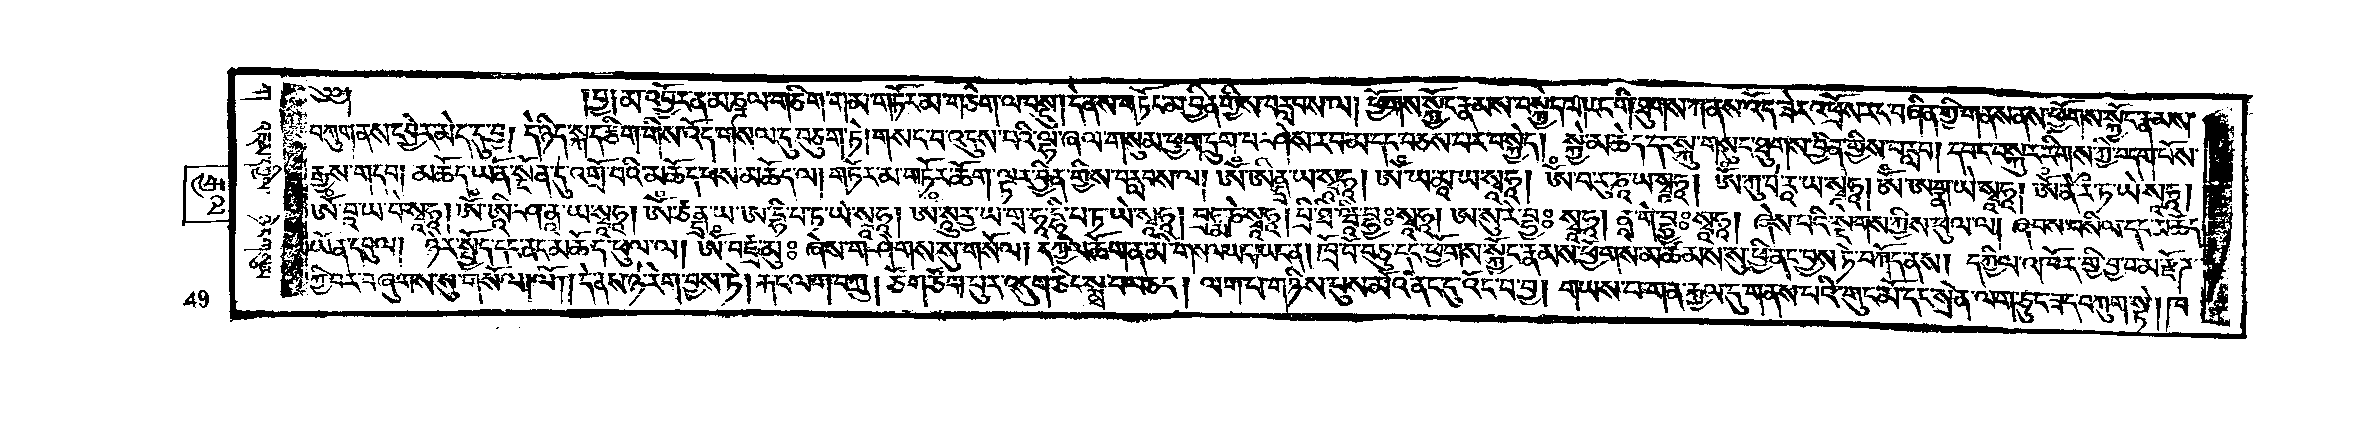༄༅། །བྱ། མ་འབྱོར་ན་མཎཌལ་གཅིག་གམ་གཏོར་མ་གཅིག་ལ་བསྡུ། དེ་ནས་གཏོར་མ་བྱིན་གྱིས་བརླབས་ལ། ཕྱོགས་སྐྱོང་རྣམས་བསྐྱེད་ལ། རང་གི་ཐུགས་ཀ་ནས་འོད་ཟེར་འཕྲོས་རང་བཞིན་གྱི་གནས་ནས་ཕྱོགས་སྐྱོང་རྣམས་
བཀུག་ནས་དབྱེར་མེད་དུ་བྱ། དེ་ཉིད་སྐད་རྩིག་གིས་འོད་གསལ་དུ་བཅུག་ཏེ། གསང་བ་འདུས་པའི་ལྷ་ཞལ་གསུམ་ཕྱག་དྲུག་པ་ཤེས་རབ་མ་དང་བཅས་པར་བསྐྱེད། སྐྱེ་མཆེད་དང་སྐུ་གསུང་ཐུགས་བྱིན་གྱིས་བརླབ། དབང་བསྐུར་རིགས་ཀྱི་བདག་པོས་
རྒྱས་གདབ། མཆོད་ཡོན་སྔོན་དུ་འགྲོ་བའི་མཆོད་པས་མཆོད་ལ། གཏོར་མ་གཏོར་ཆོག་ལྟར་བྱིན་གྱིས་བརླབས་ལ། ཨོཾ་ཨིནདྲ་ཡ་སྭཱ་ཧཱ། ཨོཾ་ཡ་མཱ་ཡ་སྭཱ་ཧཱ། ཨོཾ་བ་རུ་ཎཱ་ཡ་སྭཱཧཱ། ཨོཾ་ཀུ་བེ་རཱ་ཡ་སྭཱ་ཧཱ། ཨོཾ་ཨགན་ཡེ་སྭཱ་ཧཱ། ཨོཾ་ནཻ་རྀ་ཏ་ཡེ་སྭཱ་ཧཱ།
ཨོཾ་བཱ་ཡ་བེ་སྭཱ་ཧཱ། ཨོཾ་ཨཱི་ཤ་ནཱ་ཡ་སྭཱ་ཧཱ། ཨོཾ་ཙནདྲ་ཡ་ཨ་དྷི་པ་ཏ་ཡེ་སྭཱ་ཧཱ། ཨོཾ་སཱུརྱ་ཡ་གྲ་ཧཱ་དྷི་པ་ཏ་ཡེ་སྭཱ་ཧཱ། བརཧྨ་ཎེ་སྭཱ་ཧཱ། པྲི་ཐི་ཝཱི་བྷྱཿ སྭཱ་ཧཱ། ཨ་སུ་རེ་བྷྱཿ སྭཱ་ཧཱ། ནཱ་གེ་བྷྱཿ སྭཱ་ཧཱ། ཞེས་པའི་སྔགས་ཀྱིས་ཕུལ་ལ། ཞབས་བསིལ་དང་མཆོད་
ཡོན་དབུལ། ཉེར་སྤྱོད་དང་ནང་མཆོད་ཕུལ་ལ། ཨོཾ་བྫྲ་མུཿ ཞེས་གཤེགས་སུ་གསོལ། དཀྱིལ་འཁོར་ཆོག་ན་མི་གསལ་ཡང་ཡང་ན། ཁྲོ་བོ་བཅུ་དང་ཕྱོགས་སྐྱོང་རྣམས་ཕྱོགས་མཚམས་སུ་ཕྱི་ནང་བྱས་ཏེ་བཀོད་ནས། དཀྱིལ་འཁོར་གྱི་བྱ་བ་མ་རྫོགས་
ཀྱི་བར་བཞུགས་སུ་གསོལ་ལོ། །དེ་ནས་ཉེ་རེག་བྱས་ཏེ། རྐང་ལག་བཀྲུ། ཙོག་ཙོག་པུར་འདུག་ཅིང་སྨྲ་བ་བཅད། ལག་པ་གཉིས་པུས་མོའི་ནང་དུ་འོང་བ་བྱ། གཡས་པ་གན་རྐྱལ་དུ་གནས་པའི་གུང་མོ་དང་སྲེན་ལག་ཅུང་ཟད་བཀུག་སྟེ། ཁ་